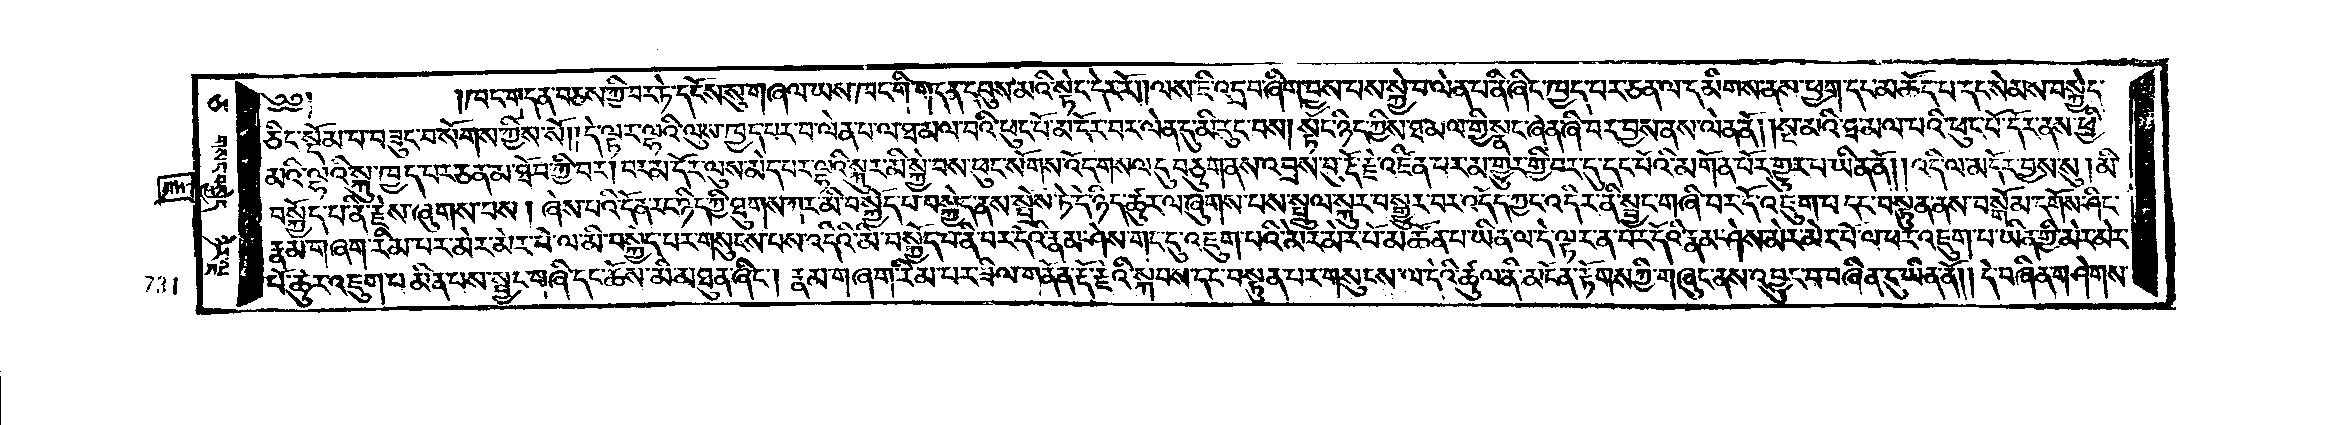༄༅། །ཁང་གདན་བཅས་ཀྱི་བར་ཏེ་དངོས་སུ་གཞལ་ཡས་ཁང་གི་གདན་དབུས་མའི་སྟེང་དེར་རོ། །ལས་ཇི་འདྲ་བ་ཞིག་བྱས་པས་སྐྱེ་བ་ལེན་པ་ནི་ཞིང་ཁྱད་པར་ཅན་ལ་དམིགས་ནས་ཕྱག་དང་མཆོད་པ་དང་སེམས་བསྐྱེད་
ཅིང་སྡོམ་པ་བཟུང་བ་སོགས་ཀྱིས་སོ། །དེ་ལྟར་ལྷའི་ལུས་ཁྱད་པར་བ་ལེན་པ་ལ་ཐ་མལ་བའི་ཕུང་པོ་མ་དོར་བར་ལེན་དུ་མི་རུང་བས། སྟོང་ཉིད་ཀྱིས་ཐ་མལ་གྱི་སྣང་ཞེན་ཞི་བར་བྱས་ནས་ལེན་ནོ། །སྔ་མའི་ཐ་མལ་པའི་ཕུང་པོ་དོར་ནས་ཕྱི་
མའི་ལྷའི་སྐུ་ཁྱད་པར་ཅན་མ་ཐོབ་ཀྱི་བར། བར་མ་དོར་ལུས་མེད་པར་ལྷའི་སྐུར་མི་སྐྱེ་བས་ཕུང་སོགས་འོད་གསལ་དུ་བཅུག་ནས་འབྲས་བུ་རྡོ་རྗེ་འཛིན་པར་མ་གྱུར་གྱི་བར་དུ་དང་པོའི་མགོན་པོར་གྱུར་པ་ཡིན་ནོ། །འདི་ལ་མདོར་བྱས་སུ། མི་
བསྐྱོད་པ་ནི་རྗེས་ཞུགས་པས། ཞེས་པའི་དོན་རང་ཉིད་ཀྱི་ཐུགས་ཀར་མི་བསྐྱོད་པ་བསྐྱེད་ནས་སྤྲོས་ཏེ་དེ་ཉིད་ཚུར་ལ་ཞུགས་པས་སྤྲུལ་སྐུར་བསྒྱུར་བར་འདོད་ཀྱང་འདིར་ནི་སྦྱང་གཞི་བར་དོ་འཇུག་པ་དང་བསྟུན་ནས་བསྒོམ་དགོས་ཤིང་
རྣམ་གཞག་རིམ་པར་མེར་མེར་པོ་ལ་མི་བསྐྱོད་པར་གསུངས་པས་འདིའི་མི་བསྐྱོད་པ་ནི་བར་དེའི་རྣམ་ཤེས་གང་དུ་འཇུག་པའི་མེར་མེར་པོ་མཚོན་པ་ཡིན་ལ་དེ་ལྟར་ན་བར་དོའི་རྣམ་ཤེས་མེར་མེར་པོ་ལ་ཕར་འཇུག་པ་ཡིན་གྱི་མེར་མེར་
པོ་ཚུར་འཇུག་པ་མིན་པས་སྦྱང་གཞི་དང་ཆོས་མི་མཐུན་ཞིང་། རྣམ་གཞག་རིམ་པར་ཟིལ་གནོན་རྡོ་རྗེའི་སྐབས་དང་བསྟུན་པར་གསུངས་ལ་དེའི་ཚུལ་ནི་མངོན་རྟོགས་ཀྱི་གཞུང་ནས་འབྱུང་བ་བཞིན་དུ་ཡིན་ནོ། །དེ་བཞིན་གཤེགས་